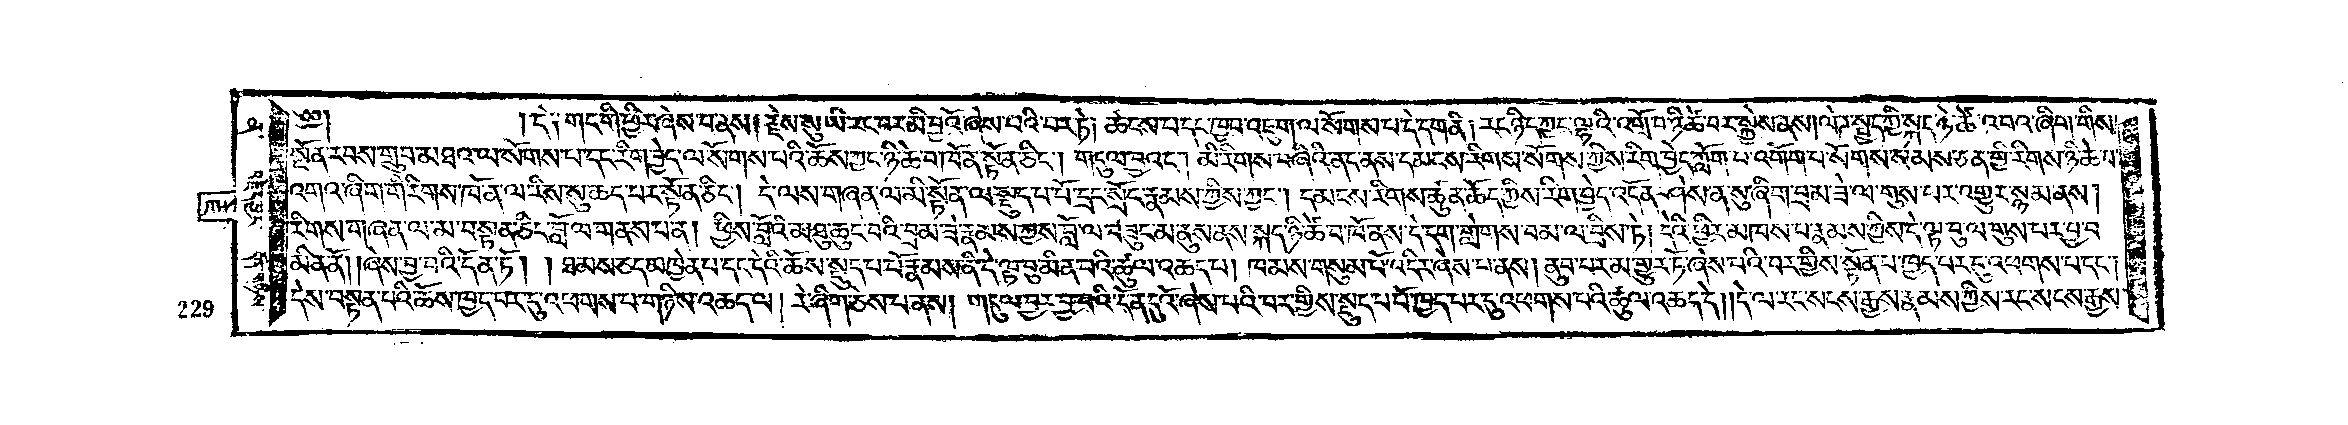༄༅། །དེ༑ གང་གི་ཕྱིར་ཞེས་པ་ནས། རྗེས་སུ་ཡི་རང་བར་མི་བྱའོ་ཞེས་པའི་བར་ཏེ། ཚངས་པ་དང་ཁྱབ་འཇུག་ལ་སོགས་པ་དེ་དག་ནི། རང་ཉིད་ཀྱང་ལྷའི་འགྲོ་བ་ཉི་ཚེ་བར་སྐྱེས་ནས། ལེགས་སྦྱར་གྱི་སྐད་ཉེ་ཚེ་འབའ་ཞིག་གིས་
སྔོན་རབས་གྲུབ་མཐའ་ལ་སོགས་པ་དང་རིག་བྱེད་ལ་སོགས་པའི་ཆོས་ཀྱང་ཉི་ཆེ་བ་ཁོ་ན་སྟོན་ཅིང་།གདུལ་བྱའང་། མི་རིགས་བཞིའི་ནང་ནས་དམངས་རིགས་སོགས་ཀྱིས་རིག་བྱེད་ཀློག་པ་འགོག་པ་སོགས་སེམས་ཅན་གྱི་རིགས་ཉི་ཚེ་བ་
འགའ་ཞིག་གི་རིགས་ཁོ་ན་ལ་རིས་སུ་ཆད་པར་སྟོན་ཅིང་།དེ་ལས་གཞན་ལ་མི་སྟོན་ལ་སྡུད་པ་པོ་དྲང་སྲོང་རྣམས་ཀྱིས་ཀྱང་།དམངས་རིགས་ཚུན་ཆོད་ཀྱིས་རིག་བྱེད་འདོན་ཤེས་ན་སུ་ཞིག་བྲམ་ཟེ་ལ་གུས་པར་འགྱུར་སྙམ་ནས།
རིགས་གཞན་ལ་མ་བསྟན་ཅིང་བློ་ལ་གནས་པ་ན། ཕྱིས་བློའི་མཐུ་ཆུང་བའི་བྲམ་ཟེ་རྣམས་ཀྱིས་བློ་ལ་བཟུང་མ་ནུས་ནས་སྐད་ཉི་ཚེ་བ་ཁོ་ནས་དེ་དག་གླེགས་བམ་ལ་བྲིས་ཏེ། དེའི་ཕྱིར་མཁས་པ་རྣམས་ཀྱིས་དེ་ལྟ་བུ་ལ་གུས་པར་བྱ་བ་
མིན་ནོ། །ཞེས་བྱ་བའི་དོན་ཏོ། །ཐམས་ཅད་མཁྱེན་པ་དང་དེའི་ཆོས་སྡུད་པ་པོ་རྣམས་ནི་དེ་ལྟ་བུ་མིན་པའི་ཚུལ་འཆད་པ། ཁམས་གསུམ་པོ་འདིར་ཞེས་པ་ནས། ནུབ་པར་མ་གྱུར་ཏོ་ཞེས་པའི་བར་གྱིས་སྟོན་པ་ཁྱད་པར་དུ་འཕགས་པ་དང་། དེས་བསྟན་པའི་ཆོས་ཁྱད་པར་དུ་འཕགས་པ་གཉིས་འཆད་ལ། རེ་ཞིག་ཅེས་པ་ནས། གདུལ་བྱར་བྱ་བའི་དོན་དུའོ་ཞེས་པའི་བར་གྱིས་སྡུད་པ་པོ་ཁྱད་པར་དུ་འཕགས་པའི་ཚུལ་འཆད་དེ། །དེ་ལ་རང་སངས་རྒྱས་རྣམས་ཀྱིས་རང་སངས་རྒྱས་